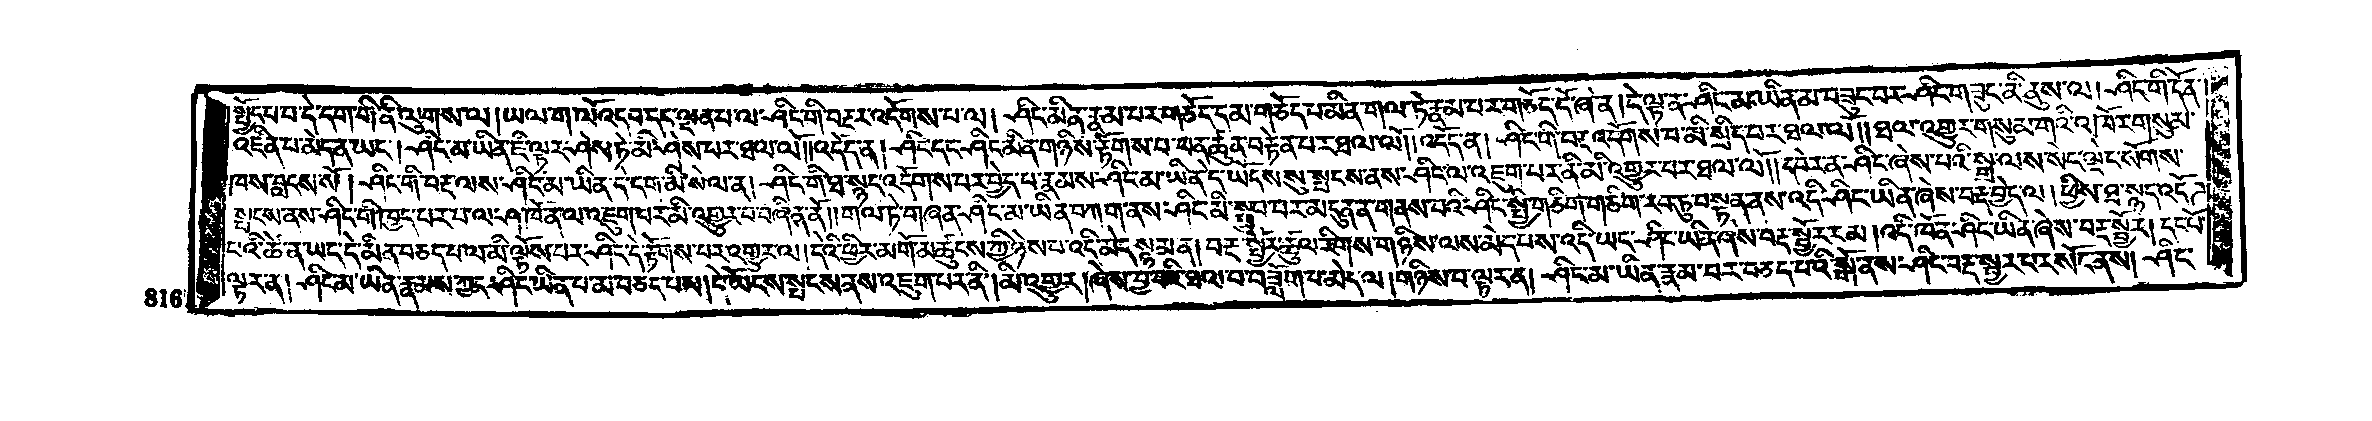སྤྱོད་པ་བ་དེ་དག་གི་ནི་ལུགས་ལ། ཡལ་ག་ལོ་འདབ་དང་ལྡན་པ་ལ་ཤིང་གི་བརྡར་འདོགས་པ་ལ། ཤིང་མིན་རྣམ་པར་གཅོད་དམ་གཅོད་པ་མིན་གལ་ཏེ་རྣམ་པར་གཅོད་དོ་ཞེ་ན། དེ་ལྟ་ན་ཤིང་མ་ཡིན་པ་བཟུང་བར་ཤིང་གཟུང་ནི་ནུས་ལ། ཤིང་གི་དོན་
འཛིན་པ་མེད་ན་ཡང་། ཤིང་མ་ཡིན་ཇི་ལྟར་ཤེས་ཏེ་མི་ཤེས་པར་ཐལ་ལོ། །འདོད་ན། ཤིང་དང་ཤིང་མིན་གཉིས་རྟོགས་པ་ཕན་ཚུན་བརྟེན་པར་ཐལ་ལོ། །འདོད་ན། ཤིང་གི་བརྡ་འདོགས་པ་མི་སྲིད་པར་ཐལ་ལོ། །ཐལ་འགྱུར་གསུམ་གའི་འཁོར་གསུམ་
ཁས་བླངས་སོ། ཤིང་གི་བརྡ་ལས་ཤིང་མ་ཡིན་དེ་དག་མི་སེལ་ན། ཤིང་གི་ཐ་སྙད་འདོགས་པར་བྱེད་པ་རྣམས་ཤིང་མ་ཡིན་དེ་ཡོངས་སུ་སྤངས་ནས་ཤིང་ལ་འཇུག་པར་ནི་མི་འགྱུར་པར་ཐལ་ལོ། །དཔེར་ན་ཤིང་ཞེས་པའི་སྒྲ་ལས་སེང་ལྡེང་སོགས་
སྤངས་ནས་ཤིང་ཁྱད་པར་པ་ལ་ཤ་ཁོ་ན་ལ་འཇུག་པར་མི་འགྱུར་བ་བཞིན་ནོ། །གལ་ཏེ་གཞན་ཤིང་མ་ཡིན་བཀག་ནས་ཤིང་མི་སྒྲུབ་པར་མདུན་ན་གནས་པའི་ཤིང་སྤྱི་གཅིག་གཅིག་རབ་ཏུ་བསྟན་ནས་འདི་ཤིང་ཡིན་ཞེས་བརྡ་བྱེད་ལ། ཕྱིས་ཐ་སྙད་འདོགས་
པའི་ཚེ་ན་ཡང་དེ་མིན་བཅད་པ་ལ་མི་ལྟོས་པར་ཤིང་དེ་རྟོགས་པར་འགྱུར་ལ། དེའི་ཕྱིར་མགོ་མཚུངས་ཀྱི་ཉེས་པ་འདི་མེད་སྙམ་ན། བརྡ་སྦྱོར་ཚུལ་རིགས་གཉིས་ལས་མེད་པས་འདི་ཡང་ཤིང་ཡིན་ཞེས་བརྡ་སྦྱོར་རམ། འདི་ཁོ་ན་ཤིང་ཡིན་ཞེས་བརྡ་སྦྱོར། དང་པོ་
ལྟར་ན། ཤིང་མ་ཡིན་རྣམས་ཀྱང་ཤིང་ཡིན་པ་མ་བཅད་པས། དེ་ཡོངས་སྤངས་ནས་འཇུག་པར་ནི། མི་འགྱུར། ཞེས་བྱ་བའི་ཐལ་བ་བཟློག་པ་མེད་ལ། གཉིས་པ་ལྟར་ན། ཤིང་མ་ཡིན་རྣམ་པར་བཅད་པའི་སྒོ་ནས་ཤིང་བརྡ་སྦྱར་བར་སོང་ནས། ཤིང་